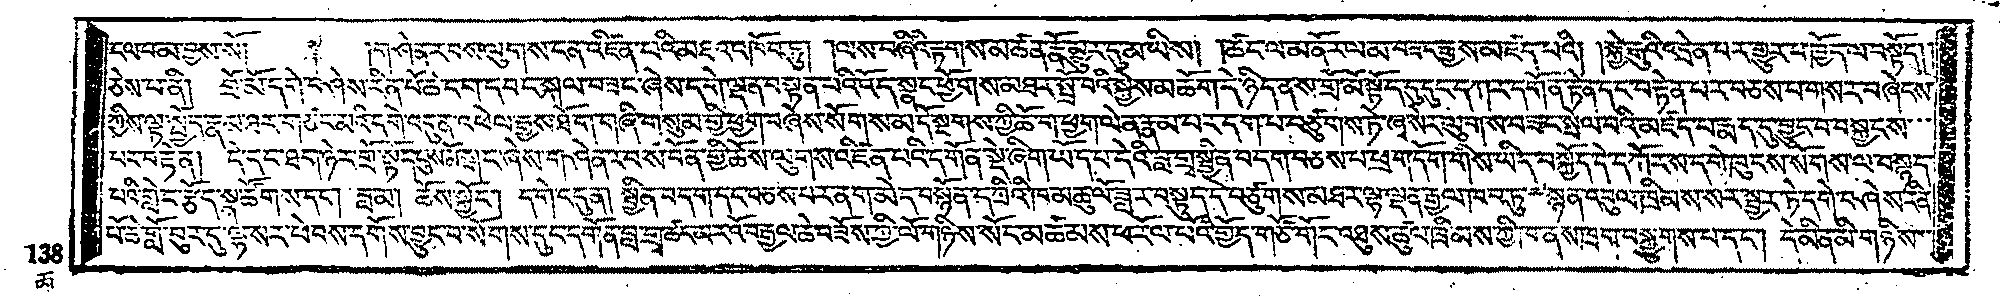ངལ་བ་མ་བྱས་སོ། ༈ །གཤེན་རབས་ལུགས་ངན་འཛིན་པའི་མཐའ་འཁོབ་ཏུ། །ལས་བཞིའི་རྟགས་མཚན་རྣོ་མྱུར་དུ་མ་ཡིས། །ཚང་ལ་མ་ནོར་ལམ་བཟང་རྒྱས་མཛད་པའི། །སྐྱེ་རྒུའི་འདྲེན་པར་གྱུར་པ་ཁྱོད་ལ་བསྟོད།
ཅེས་པ་ནི། གྲོ་མོ་དགེ་བཤེས་རིན་པོ་ཆེ་ངག་དབང་སྐལ་བཟང་ཞེས་དགེ་ལྡན་བསྟན་པའི་འོད་སྣང་ཕྱོགས་མཐར་སྤྲོ་བའི་སྐྱེས་མཆོག་དེ་ཉིད་ནས་གྲོ་མོ་སྟོད་དུ་དུང་དཀར་དགོན་རྟེན་དང་བརྟེན་པར་བཅས་པ་གསར་བཞེངས་
ཀྱིས་ལྟ་སྤྱོད་རྣམ་ཐར་གཙང་མའི་དགེ་འདུན་འཕེལ་རྒྱས་ཐོག་གཞི་གསུམ་གྱི་ཕྱག་བཞེས་སོགས་མདོ་སྔགས་ཀྱི་ཆོག་ཕྱག་ལེན་རྣམ་པར་དག་པ་བཙུགས་ཏེ་ཞྭ་སེར་ལུགས་བཟང་སྤེལ་བའི་མཛད་པ་རྨད་དུ་བྱུང་བ་བསྐྱངས་
པར་བརྟེན། དེ་དང་ཐག་ཉེར་གྲོ་སྟོད་པུས་མོ་སྒང་ཞེས་གཤེན་རབ་ས་བོན་གྱི་ཆོས་ལུགས་འཛིན་པའི་དགོན་སྡེ་ཞིག་ཡོད་པ་དེའི་བླ་གྲྭ་སྦྱིན་བདག་བཅས་པ་ཕྲག་དོག་གིས་ཡིད་བསྐྱོད་དེ་དཀོར་ས་དགེ་ཁུངས་སོགས་ལ་བསྙད་
པའི་གླེང་རྩོད་སྣ་ཚོགས་དང་། བླ་མ། ཆོས་སྐྱོང་། དགེ་འདུན། སྦྱིན་བདག་དང་བཅས་པར་ནག་མེད་བསྙོན་དཀྲིའི་ཁ་མཆུ་ལོ་ཟླར་བསྟུད་དེ་བཙུགས་མཐར་ལྷ་ལྡན་རྒྱལ་ཁབ་ཏུ་༈ སྙན་འབུལ་ཁྲིམས་སར་སྦྱར་ཏེ་དགེ་བཤེས་རིན་
པོ་ཆེ་གློ་བུར་དུ་ལྷ་སར་ཕེབས་དགོས་བྱུང་བ་སོགས་དུང་དགོན་བླ་གྲྭ་ཚར་མར་འོ་བརྒྱལ་ཆེ་བཟོས་ཀྱི་ལོ་གཉིས་སོང་མཚམས་ཕ་རོལ་པའི་གྱོད་གཙོ་གོང་འཐུས་ཚུལ་ཁྲིམས་ཀྱི་ཁ་ནས་ཁྲག་བསྐྱུགས་པ་དང་། དེ་མིན་མི་གཉིས་